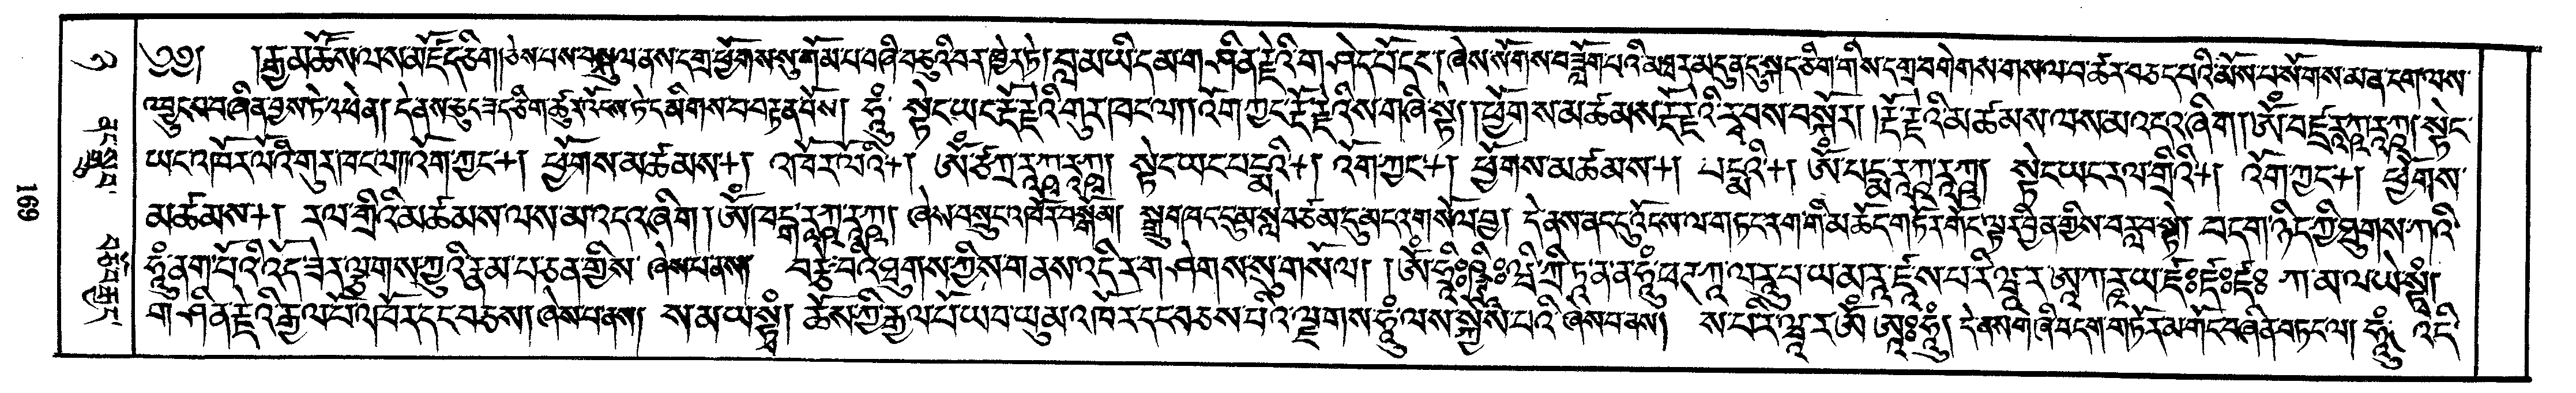༄༅། །རྒྱ་མཚོས་ལས་མཛོད་ཅིག། ཅེས་པས་བསྐུལ་ནས་དགྲ་ཕྱོགས་སུ་གོམ་པ་བཞི་བཅུའི་བར་ཁྱེར་ཏེ། བླ་མ་ཡི་དམ་གཤིན་རྗེའི་གཤེད་པོ་དང་། ཞེས་སོགས་བཟློག་པའི་མཐར་མདུན་དུ་སྐད་ཅིག་གིས་དགྲ་བགེགས་གསལ་བ་ཚར་བཅད་པའི་མོས་པ་སོགས་མན་ངག་ལས་
འབྱུང་བ་བཞིན་བྱས་ཏེ་འཕེན། དེ་ནས་ཅུང་ཟད་ཅིག་ཚུར་འོངས་ཏེ་དམིགས་པ་བརྟན་པོས། ཧཱུཾ༑ སྟེང་ཡང་རྡོ་རྗེའི་གུར་ཁང་ལ། །འོག་ཀྱང་རྡོ་རྗེའི་ས་གཞི་སྟེ། །ཕྱོགས་མཚམས་རྡོ་རྗེའི་རྭ་བས་བསྐོར། །རྡོ་རྗེའི་མཚམས་ལས་མ་འྔའ་ཞིག། ཨོཾ་བཛྲ་རཱཀྵ་རཱཀྵ། སྟེང་
ཡང་འཁོར་ལོའི་གུར་ཁང་ལ། །འོག་ཀྱང་། ཕྱོགས་མཚམས། འཁོར་ལོའི། ཨོཾ་ཙཀྲ་རཱརྐྵ་རཱཀྵ། སྟེང་ཡང་པདམའི། འོག་ཀྱང་། ཕྱོགས་མཚམས། པདམའི། ཨོཾ་པདམ་རཱཀྵ་རཱཀྵ། སྟེང་ཡང་རལ་གྲིའི། འོག་ཀྱང་། ཕྱོགས་
མཚམས། རལ་གྲིའི་མཚམས་ལས་མ་འདའ་ཞིག། ཨོཾ་ཁངྒ་རཱཀྵ་རཱཀྵ། ཞེས་བསྲུང་འཁོར་བསྒོམ། སྒྲུབ་ཁང་དུ་མ་སླེབ་ཙམ་དུ་མངའ་གསོལ་བྱ། དེ་ནས་ནང་དུ་འོངས་ལ་གཏང་རག་གི་མཆོད་གཏོར་གོང་ལྟར་བྱིན་གྱིས་བརླབ་སྟེ། བདག་ཉིད་ཀྱི་ཐུགས་ཀའི་
ཧཱུཾ་ནག་པོའི་འོད་ཟེར་ལྕགས་ཀྱུའི་རྣམ་པ་ཅན་གྱིས་ཞེས་པ་ནས། བརྩེ་བའི་ཐུགས་ཀྱིས་གནས་འདེར་གཤེགས་སུ་གསོལ། །ཨོཾ་ཧྲཱིཿཥྚཱིཿཝི་ཀྲི་ཏཱ་ན་ན་ཧཱུཾ་ཕཊ་ཀཱ་ལ་རཱུ་པ་ཡ་མ་རཱ་ཛཱ་ས་པ་རི་ཝཱ་ར་ཨཱ་ཀརྵ་ཡ་ཛཿརྫཿརྫཿ ཀ་མ་ལ་ཡེ་སྟྭཾ།
གཤིན་རྗེའི་རྒྱལ་པོ་འཁོར་དང་བཅས། ཞེས་པ་ནས། ས་མ་ཡ་སྟྭཾ། ཆོས་ཀྱི་རྒྱལ་པོ་ཡབ་ཡུམ་འཁོར་དང་བཅས་པའི་ལྗགས་ཧཱུཾ་ལས་སྐྱེས་པའི་ཞེས་པ་ནས། ས་པ་རི་ཝཱ་ར་ཨོཾ་ཨཱཿཧཱུཾ། དེ་ནས་གཞི་བདག་གཏོར་མ་གོང་བཞིན་བཏང་ལ། ཧཱུཾཿ འདི་